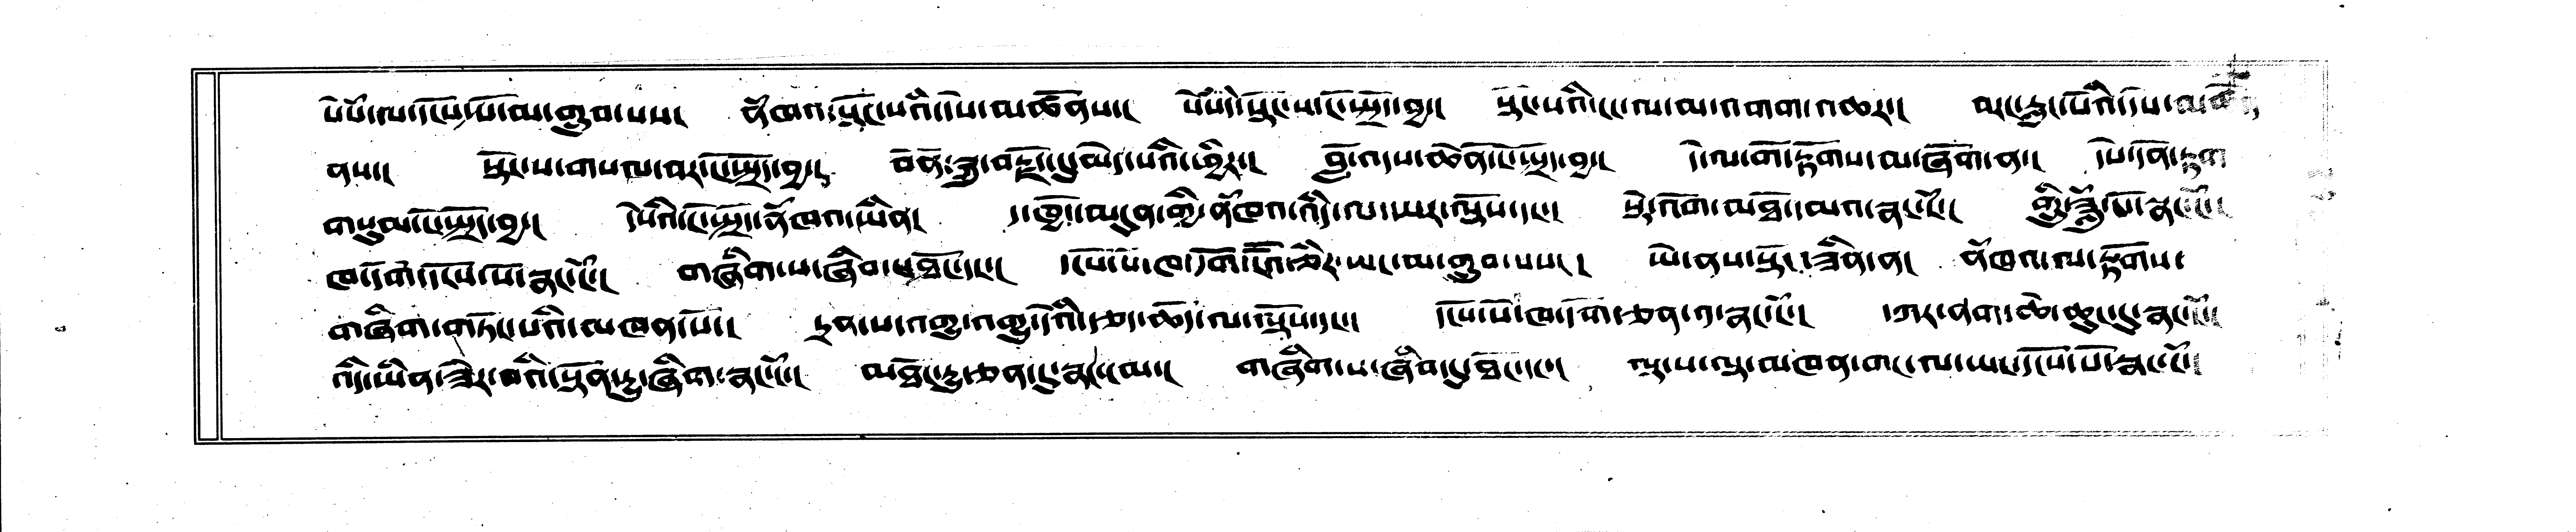སྣང་བ་སེམས་སུ་ངོས་སྤྲད་བྱ། སེམས་ལ་དངོས་པོ་མ་གྲུབ་པས། ནམ་མཁའ་སྟོང་པའི་དཔེ་མཚོན་ནས། སེམས་ཉིད་སྟོང་པར་ངོ་སྤྲོད་བྱ། སྟོང་པའི་ངང་ལས་མ་འགག་འཆར། བར་སྣང་རླུང་པོས་དཔེ་མཚོན་
ནས། སྟོང་པ་གསལ་བར་ངོ་སྤྲོད་བྱ། གསལ་སྟོང་འདུ་འབྲལ་མེད་པའི་ཕྱིར། མཁའ་དང་ཉི་མའི་དཔེ་མཚོན་
ནས། གསལ་སྟོང་གཉིས་མེད་ངོ་སྤྲོད་བྱ། གཉིས་མེད་བོན་སྐུ་ངོ་སྤྲོད་བྱ། བོན་སྐུ་བརྗོད་དུ་མེད་པའི་ཕྱིར། བློ་འདས་ཆེན་པོ་ངོ་སྤྲོད་བྱ། དེ་ལ་གོ་རྟོགས་མ་ཞོག་ན། དཔེ་དོན་རྟགས་
གསུམ་ངོ་སྤྲོད་བྱ། དཔེ་ཡི་ངོ་སྤྲོད་ནམ་མཁའ་ཡིན། ད་ཁྱོད་མདུན་གྱི་ནམ་མཁའ་འདི་ལ་ཡར་ལྟོས་དང་། སྟེང་འོག་ཐོག་མཐའ་སྣང་ངམ། གྲུབ་བཞི་ཟླུམ་པོ་སྣང་ངམ། ཁ་དོག་དངོས་པོ་སྣང་ངམ། 
གཞིག་པ་ཞིབ་ཏུ་ཐོང་དང་། དངོས་པོ་ཁ་དོག་ངོའོ་ཅིར་ཡང་དངོས་པོར་མ་གྲུབ་པས་ཡེ་ནས་སྟོང་ཟིན་ན། ནམ་མཁའ་ལ་རྟོགས་
གཞིག་བཏང་བའི་མཁན་པོ། དྲན་པ་འགྱུ་འགྱུ་དེའི་རྩད་ཆོད་ལ་ལྟོས་དང། དངོས་པོ་ཁ་དོག་ཅན་ཅིག་སྣང་ངམ། དཀར་ནག་ཆེ་ཆུང་དུ་སྣང་ངམ། 
འདི་ཡིན་ཟེར་པའི་སྟོན་རྒྱུ་ཞིག་སྣང་ངམ། མཐོང་རྒྱ་ཅན་དུ་སྣང་ངམ། གཞིག་པ་ཞིབ་དུ་ཐོང་དང་། ལྟ་ས་ལྟ་མཁན་གང་ལ་ཡང་དངོས་པོ་སྣང་ངམ།